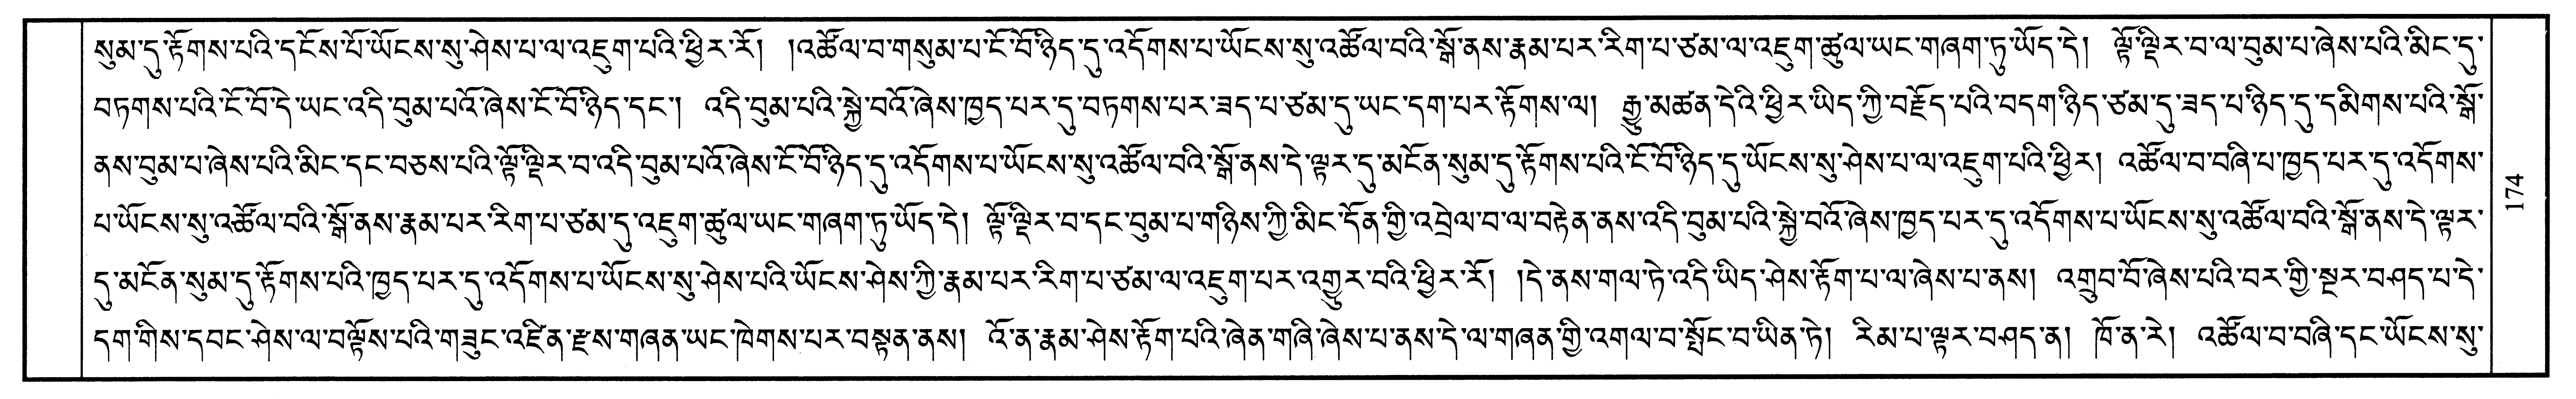སུམ་དུ་རྟོགས་པའི་དངོས་པོ་ཡོངས་སུ་ཤེས་པ་ལ་འཇུག་པའི་ཕྱིར་རོ། །འཚོལ་བ་གསུམ་པ་ངོ་བོ་ཉིད་དུ་འདོགས་པ་ཡོངས་སུ་འཚོལ་བའི་སྒོ་ནས་རྣམ་པར་རིག་པ་ཙམ་ལ་འཇུག་ཚུལ་ཡང་གཞག་ཏུ་ཡོད་དེ། ལྟོ་ལྡིར་བ་ལ་བུམ་པ་ཞེས་པའི་མིང་དུ་
བཏགས་པའི་ངོ་བོ་དེ་ཡང་འདི་བུམ་པའོ་ཞེས་ངོ་བོ་ཉིད་དང་། འདི་བུམ་པའི་སྐྱེ་བའོ་ཞེས་ཁྱད་པར་དུ་བཏགས་པར་ཟད་པ་ཙམ་དུ་ཡང་དག་པར་རྟོགས་ལ། རྒྱུ་མཚན་དེའི་ཕྱིར་ཡིད་ཀྱི་བརྗོད་པའི་བདག་ཉིད་ཙམ་དུ་ཟད་པ་ཉིད་དུ་དམིགས་པའི་སྒོ་
ནས་བུམ་པ་ཞེས་པའི་མིང་དང་བཅས་པའི་ལྟོ་ལྡིར་བ་འདི་བུམ་པའོ་ཞེས་ངོ་བོ་ཉིད་དུ་འདོགས་པ་ཡོངས་སུ་འཚོལ་བའི་སྒོ་ནས་དེ་ལྟར་དུ་མངོན་སུམ་དུ་རྟོགས་པའི་ངོ་བོ་ཉིད་དུ་ཡོངས་སུ་ཤེས་པ་ལ་འཇུག་པའི་ཕྱིར། འཚོལ་བ་བཞི་པ་ཁྱད་པར་དུ་འདོགས་
པ་ཡོངས་སུ་འཚོལ་བའི་སྒོ་ནས་རྣམ་པར་རིག་པ་ཙམ་དུ་འཇུག་ཚུལ་ཡང་གཞག་ཏུ་ཡོད་དེ། ལྟོ་ལྡིར་བ་དང་བུམ་པ་གཉིས་ཀྱི་མིང་དོན་གྱི་འབྲེལ་བ་ལ་བརྟེན་ནས་འདི་བུམ་པའི་སྐྱེ་བའོ་ཞེས་ཁྱད་པར་དུ་འདོགས་པ་ཡོངས་སུ་འཚོལ་བའི་སྒོ་ནས་དེ་ལྟར་
དུ་མངོན་སུམ་དུ་རྟོགས་པའི་ཁྱད་པར་དུ་འདོགས་པ་ཡོངས་སུ་ཤེས་པའི་ཡོངས་ཤེས་ཀྱི་རྣམ་པར་རིག་པ་ཙམ་ལ་འཇུག་པར་འགྱུར་བའི་ཕྱིར་རོ། །དེ་ནས་གལ་ཏེ་འདི་ཡིད་ཤེས་རྟོག་པ་ལ་ཞེས་པ་ནས། འགྲུབ་བོ་ཞེས་པའི་བར་གྱི་སྔར་བཤད་པ་དེ་
དག་གིས་དབང་ཤེས་ལ་བལྟོས་པའི་གཟུང་འཛིན་རྫས་གཞན་ཡང་ཁེགས་པར་བསྟན་ནས། འོ་ན་རྣམ་ཤེས་རྟོག་པའི་ཞེན་གཞི་ཞེས་པ་ནས་དེ་ལ་གཞན་གྱི་འགལ་བ་སྤོང་བ་ཡིན་ཏེ། རིམ་པ་ལྟར་བཤད་ན། ཁོ་ན་རེ། འཚོལ་བ་བཞི་དང་ཡོངས་སུ་